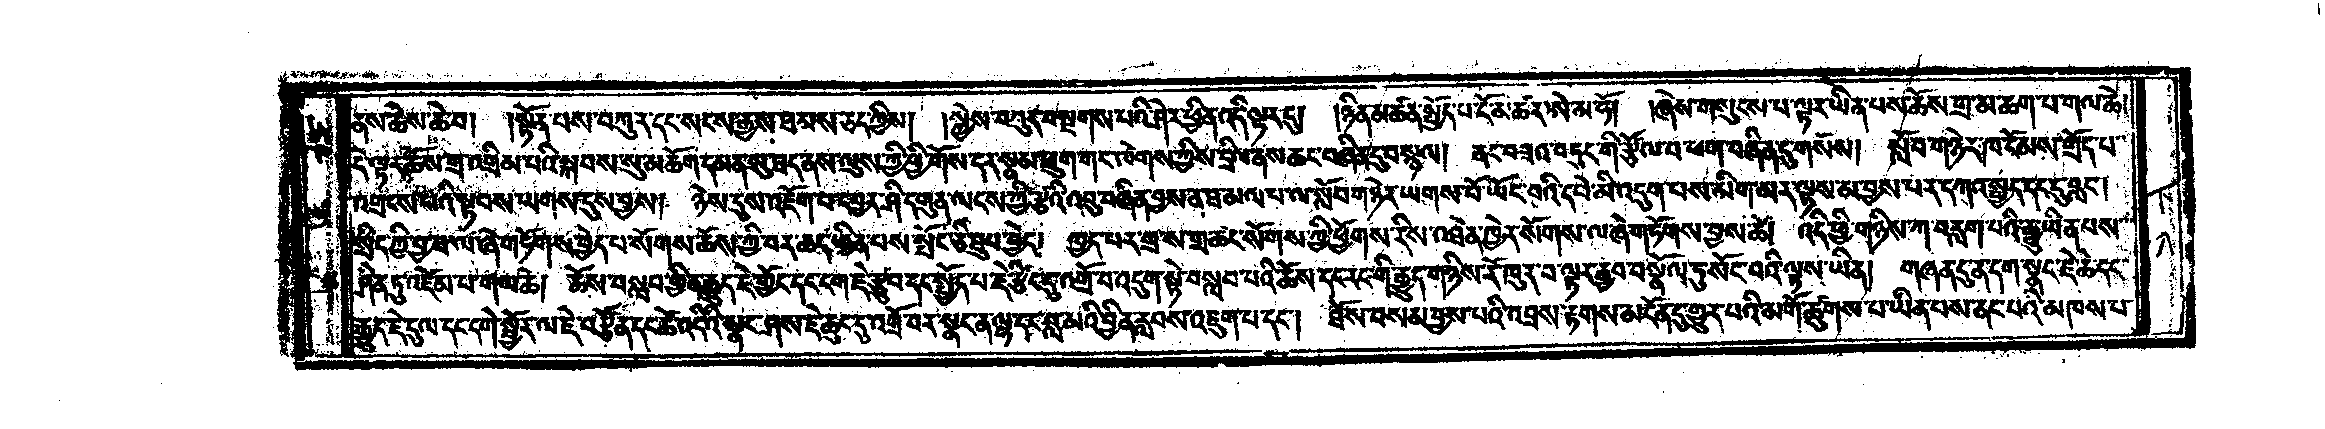ནས་ཆེས་ཆེ་བ། །སྟོན་པས་བགུར་དང་སངས་རྒྱས་ཐམས་ཅད་ཀྱིས། །སྐྱེས་བཀུར་བསྔགས་པའི་ཤེར་ཕྱིན་འདི་ལྟར་དུ། །ཉིན་མཚན་སྤྱོད་པ་ངོ་མཚར་ཨེ་མ་ཧོ། །ཞེས་གསུངས་པ་ལྟར་ཡིན་པས་ཆོས་གྲ་མ་ཆག་པ་གལ་ཆེ།
དེ་ལྟར་ཆོས་གྲ་འགྲིམ་པའི་སྐབས་སུ་མཆོག་དམན་སུ་ཐད་ནས་ལུས་ཀྱི་ཕྱི་གོས་དར་སྣམ་ཕྲུག་གང་ལེགས་ཀྱིས་དྲིས་ནས་ཆང་བཞིན་དུ་བསྙལ། ནང་བཟའ་བཏུང་གི་རྩོལ་བ་ཕག་བཞིན་དུ་གསོས། སློབ་གཉེར་ཁ་ངོམས་གྲོད་པ་
འགྲངས་པའི་སྟབས་ཡགས་དུས་བྱས། ཉེས་དུས་འཇོག་པ་དབྱར་ཤི་དགུན་ལངས་ཀྱི་རྩའི་འབུ་བཞིན་བྱས་ན་ཐ་མལ་པ་ལ་སློབ་གཉེར་ཡགས་པོ་ཡོང་བའི་དཔེ་མི་འདུག་པས་མིག་མར་ལྟས་མ་བྱས་པར་དཀའ་སྤྱད་དང་དུ་བླང་།
སྲིད་ཀྱི་བྱ་བ་ལ་ཞེ་གཏོགས་བྱེད་པ་སོགས་ཆོས་ཀྱི་བར་ཆད་ཡིན་པས་སྤོང་ཅི་ཐུབ་བྱེད། ཁྱད་པར་གྲ་ས་གྲ་ཚང?་སོགས་ཀྱི་ཕྱོགས་རིས་འཐེན་ཁྱེར་སོགས་ལ་ཞེ་གཏོགས་བྱས་ཚེ། འདི་ཕྱི་གཉིས་ཀ་བརླག་པའི་རྒྱུ་ཡིན་པས་
ཤིན་ཏུ་འཛེམ་པ་གལ་ཆེ། ཆོས་བསླབ་གྱིན་རྒྱུད་ཇེ་གྱོང་དང་ངག་ཇེ་རྩུབ་དང་སྤྱོད་པ་ཇེ་རྩིང་དུ་འགྲོ་བ་འདུག་སྟེ་བསླབ་པའི་ཆོས་དང་རང་གི་རྒྱུད་གཉིས་རོ་ཁུར་བ་ལྟར་རྒྱབ་བསྣོལ་ཏུ་སོང་བའི་ལྟས་ཡིན། གཞན་དུ་ན་དག་སྣང་ཇེ་ཆེ་དང་
རྒྱུད་ཇེ་དུལ་དང་དགེ་སྦྱོར་ལ་ཇེ་བརྩོན་དང་ཚེ་འདིའི་སྣང་ཤས་ཇེ་ཆུང་དུ་འགྲོ་བར་སྣང་ན་ལྷ་དང་བླ་མའི་བྱིན་རླབས་འཇུག་པ་དང་། ཐོས་བསམ་བྱས་པའི་འབྲས་རྟགས་མངོན་དུ་གྱུར་པའི་མགོ་ཚུགས་པ་ཡིན་པས་ནང་པའི་མཁས་པ་